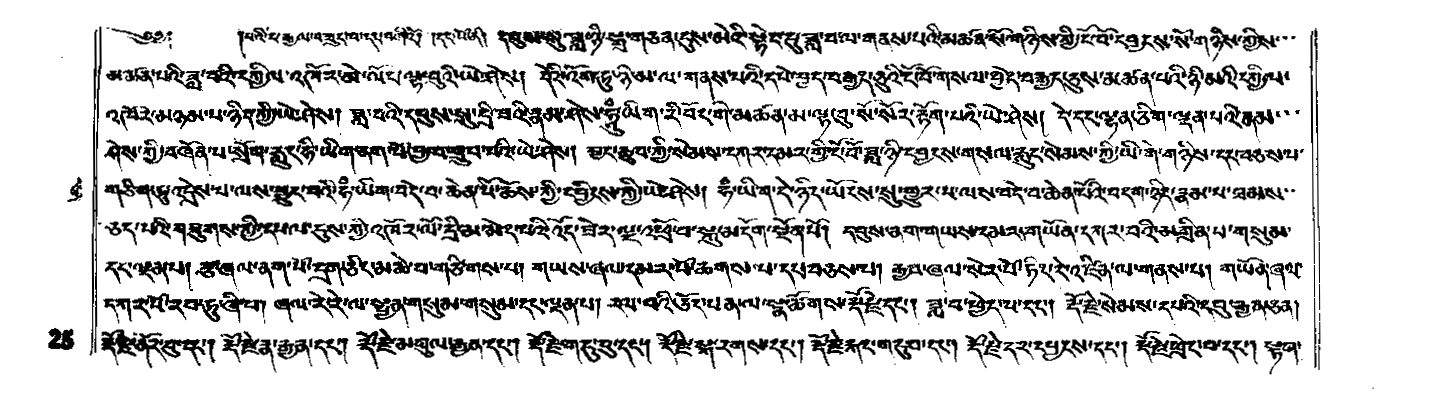༄༅། །པའི་ང་རྒྱལ་བཟུང་བ་དང་བཞིའོ། །དང་པོ་ནི། དབུས་སུ་ཟླ་ཉི་སྒྲ་གཅན་དུས་མེའི་སྟེང་དུ་ཟླ་བ་ལ་གནས་པའི་མཚན་སོ་གཉིས་ཀྱི་ངོ་བོ་དབྱངས་སོ་གཉིས་ཀྱིས་
མཚན་པའི་ཟླ་བའི་དཀྱིལ་འཁོར་མེ་ལོང་ལྟ་བུའི་ཡེ་ཤེས། དེའི་འོག་ཏུ་ཉི་མ་ལ་གནས་པའི་དཔེ་བྱད་བརྒྱད་ཅུའི་ངོ་བོ་གསལ་བྱེད་བརྒྱད་ཅུས་མཚན་པའི་ཉི་མའི་དཀྱིལ་
འཁོར་མཉམ་པ་ཉིད་ཀྱི་ཡེ་ཤེས། ཟླ་བའི་དབུས་སུ་དྲི་ཟའི་རྣམ་ཤེས་ཧཱུཾ་ཡིག་རི་བོང་གི་མཚན་མ་ལྟ་བུ་སོ་སོར་རྟོག་པའི་ཡེ་ཤེས། དེ་དང་ལྷན་ཅིག་ལྡན་པའི་རྣམ་
ཤེས་ཀྱི་བཞོན་པ་སྲོག་རླུང་ཧི་ཡིག་ནག་པོ་བྱ་བ་གྲུབ་པའི་ཡེ་ཤེས། བྱང་ཆུབ་ཀྱི་སེམས་དཀར་དམར་གྱི་ངོ་བོ་ཟླ་ཉི་དབྱངས་གསལ་རླུང་སེམས་ཀྱི་ཡི་གེ་གཉིས་དང་བཅས་པ་
གཅིག་ཏུ་འདྲེས་པ་ལས་བྱུང་བའི་ཧཾ་ཡིག་བདེ་བ་ཆེན་པོ་ཆོས་ཀྱི་དབྱིངས་ཀྱི་ཡེ་ཤེས། ཧཾ་ཡིག་དེ་ཉིད་ཡོངས་སུ་གྱུར་པ་ལས་བདེ་བ་ཆེན་པོའི་བདག་ཉིད་རྣམ་པ་ཐམས་
ཅད་པའི་གཟུགས་ཀྱི་དཔལ་དུས་ཀྱི་འཁོར་ལོ་དྲི་མ་མེད་པའི་འོད་ཟེར་ལྔ་འཕྲོ་བ་སྐུ་མདོག་སྔོན་པོ། དབུས་ནག་གཡས་དམར་གཡོན་དཀར་བའི་མགྲིན་པ་གསུམ་
དང་ལྡན་པ། རྩ་ཞལ་ནག་པོ་དྲག་ཅིང་མཆེ་བ་གཙིགས་པ། གཡས་ཞལ་དམར་པོ་ཆགས་པ་དང་བཅས་པ། རྒྱབ་ཞལ་སེར་པོ་ཏིང་ངེ་འཛིན་ལ་གནས་པ། གཡོན་ཞལ་
དཀར་པོ་རབ་ཏུ་ཞི་བ། ཞལ་རེ་རེ་ལ་སྤྱན་གསུམ་གསུམ་དང་ལྡན་པ། རལ་བའི་ཅོད་པན་ལ་སྣ་ཚོགས་རྡོ་རྗེ་དང་། ཟླ་བ་ཕྱེད་པ་དང་། རྡོ་རྗེ་སེམས་དཔའི་དབུ་རྒྱན་ཅན།
རྡོ་རྗེ་ནོར་བུ་དང་། རྡོ་རྗེ་རྣ་རྒྱན་དང་། རྡོ་རྗེ་མགུལ་རྒྱན་དང་། རྡོ་རྗེ་གདུ་བུ་དང་། རྡོ་རྗེ་སྐ་རགས་དང་། རྡོ་རྗེ་རྐང་གདུབ་དང་། རྡོ་རྗེ་དར་དབྱངས་དང་། རྡོ་རྗེ་ཕྲེང་བ་དང་། སྟག་